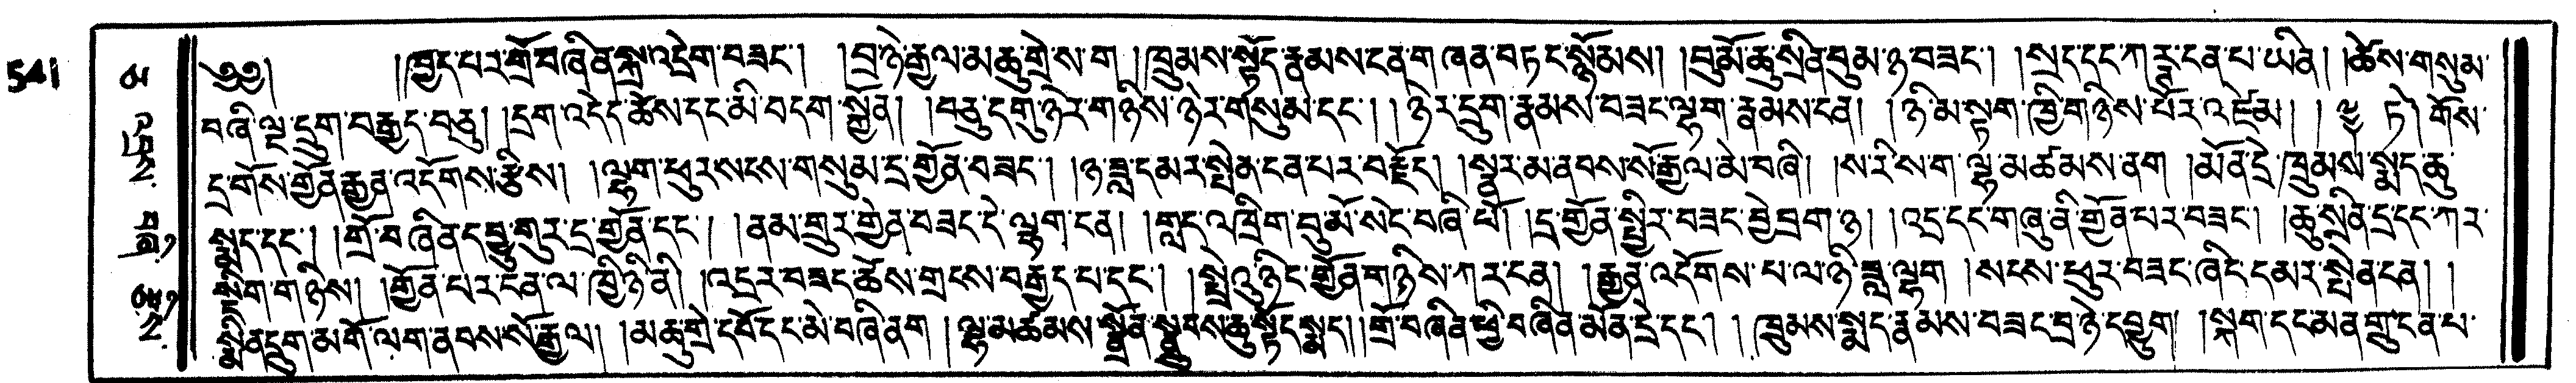༄༅། །ཁྱད་པར་གྲོ་བཞིན་སྐྲ་འདྲེག་བཟང་། །བྲ་ཉེ་རྒྱལ་མཆུ་གྲེ་ས་ག །ཁྲུམས་སྟོད་རྣམས་ངན་གཞན་བཏང་སྙོམས། །བུ་མོ་ཆུ་སྲིན་བུམ་ཉ་བཟང་། །སྲད་དང་ཀརྚ་ངན་པ་ཡིན། །ཚེས་གསུམ་
བཞི་ལྔ་དྲུག་བརྒྱད་བཅུ། །དྲག་འདེད་ཚེས་དང་མི་བདག་སྐྱོན། །བཅུ་དགུ་ཉེར་གཉིས་ཉེར་གསུམ་དང་། །ཉེར་དྲུག་རྣམས་བཟང་ལྷག་རྣམས་ངན། །ཉི་མ་སྟག་ཁྱི་གཉིས་པོར་འཛེམ། ། འ་ཏ་གོས་
དྲ་གོས་གྱོན་རྒྱན་འདོགས་རྩིས། །ལྷག་ཕུར་སངས་གསུམ་དྲ་གྱོན་བཟང་། །ཉ་ཟླ་དམར་སྤེན་ངན་པར་བརྗོད། །སྣར་མ་ནབས་སོ་རྒྱལ་མེ་བཞི། །ས་རི་ས་ག་ལྷ་མཚམས་ནག །མོན་དྲེ་ཁྲུམས་སྨད་ཆུ་
སྨད་དང་། །གྲོ་བཞིན་དབྱུ་གུར་དྲ་གྱོན་དང་། །ནམ་གྲུར་གྱེན་བཟང་དེ་ལྷག་ངན། །གླང་འཁྲིག་བུ་མོ་སེང་བཞི་པོ། །དྲ་གྱོན་སྤྱིར་བཟང་བྱེ་བྲག་ཉ། །འདྲ་དང་གཞུ་ནི་གྱོན་པར་བཟང་། །ཆུ་སྲིན་དྲ་དང་ཀར་
སྡིག་གཉིས། །གྱོན་པར་ངན་ལ་ཁྱི་ཉི་ནི། །འདྲར་བཟང་ཚེས་གྲངས་བརྒྱད་པ་དང་། །སྤྲེའུ་ཉིང་གྱོན་གཉིས་ཀར་ངན། །རྒྱན་འདོགས་པ་ལ་ཉི་ཟླ་ལྷག །སངས་ཕུར་བཟང་ཞིང་དམར་སྤེན་ངན། །
སྨིན་དྲུག་མགོ་ལག་ནབས་སོ་རྒྱལ། །མཆུ་གྲེ་དབོ་དང་མེ་བཞི་ནག །ལྷ་མཚམས་སྣྲོན་སྣྲུབས་ཆུ་སྟོད་སྨད། །གྲོ་བཞིན་ཕྱི་བཞིན་མོན་དྲེ་དང་། །ཁྲུམས་སྨད་རྣམས་བཟང་བྲ་ཉེ་དབྱུག །སྐག་དང་མན་གྲུ་ངན་པ་